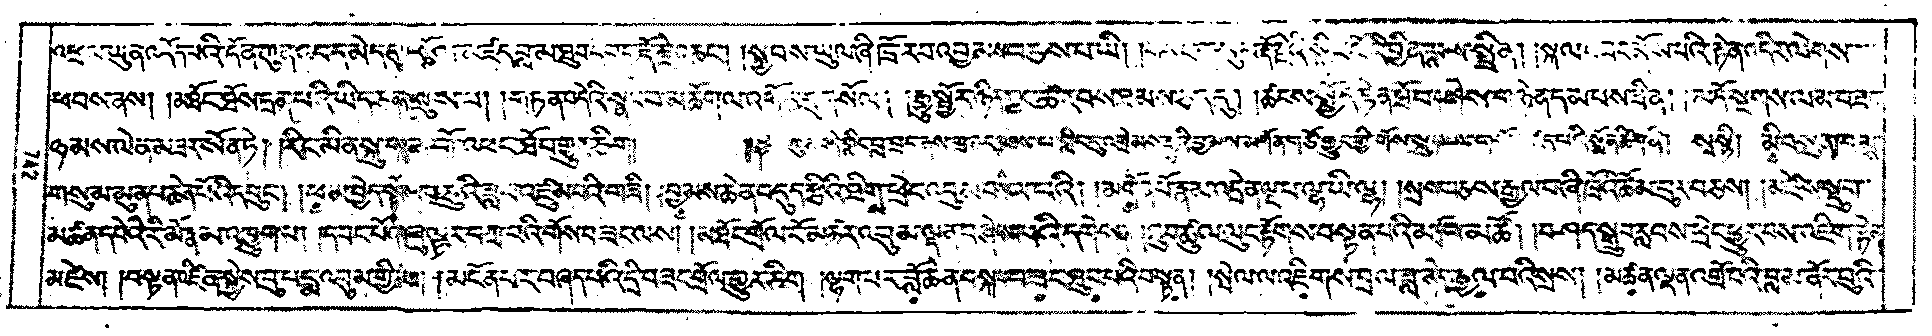འཕྲལ་ཡུན་འདོད་པའི་དོན་ཀུན་འབད་མེད་དུ། །སྩོལ་མཛད་བླ་མ་ཐུབ་དབང་རྡོ་རྗེ་འཆང་། །སྐྱབས་ཡུལ་ཞི་ཁྲོ་རབ་འབྱམས་བཅས་པ་ཡི། །གསང་གསུམ་རྡོ་རྗེའི་སྙིང་པོའི་བྱིན་རླབས་སྤྲིན། །སྐལ་བཟང་མོས་པའི་རྟེན་འདིར་ལེགས་
ཕབས་ནས། །མཐོང་ཐོས་དྲན་པའི་ཡིད་ཅན་མ་ལུས་པ། །གཏན་བདེའི་སྣང་བ་མཆོག་ལ་འགོད་དུ་གསོལ། །རྒྱུ་སྦྱོར་ཉིད་ཀྱང་ཚེ་རབས་ཐམས་ཅད་དུ། །ཚངས་སྤྱོད་རྟེན་ཐོབ་བཤེས་གཉེན་དམ་པས་ཟིན། །མདོ་སྔགས་ལམ་བཟང་
ཉམས་ལེན་མཐར་སོན་ཏེ། །རིང་མིན་སྐུ་གསུམ་གོ་འཕང་ཐོབ་གྱུར་ཅིག ། །།༈ ཀུན་བདེ་གླིང་བླ་བྲང་ནས་གྲ་ནང་བྱམས་པ་གླིང་དུ་འགྲེམས་རྒྱུའི་བྱམས་མགོན་གཙོ་གྱུར་གྱི་གོས་སྐུ་ཉམས་གསོ་མཛད་པའི་སྨོན་ཚིག་ནི།  སྭསྟི། མི྾་བསྲུན་ཁམས་
གསུམ་མུན་པ་ཆེན་པོའི་དཔུང་། །ཕམ྾་བྱེད་སྟོབས་བཅུའི་ཟླ་བ་འཛུམ་པའི་གཟི། །བྱམས྾་ཆེན་བདུད་རྩིའི་ཐིགས་ཕྲེང་འབུམ་བསིལ་བའི། །མགོན྾་པོ་རྣམ་འདྲེན་ལྔ་པ་ལྷ་ཡི་ལྷ། །སྲས་བཅས་རྒྱལ་བ་ཞི་ཁྲོའི་ཚོམ་བུར་བཅས། །མཛེས་སྡུག་
མཚན་དཔེའི་རི་མོ་རྣམ་འཁྱུག་པ། །དབང་པོའི་གཞུ་ལྟར་བཀྲ་བའི་གོས་བཟང་ལས། །མཐོང་གྲོལ་ངོ་མཚར་འབུམ་ལྡན་བཞེངས་པའི་དགེས། །ཐུབ་ཚུལ་ལུང་རྟོགས་བསྟན་པའི་མ་དྲོས་མཚོ། །བཤད་སྒྲུབ་རླབས་ཕྲེང་ཕྱུར་བས་འཇིག་རྟེན་
མཛེས། །བསྟན་འཛིན་སྐྱེས་བུ་པདམ་འབུམ་གྱི་ཚལ། །མངོན་པར་བཞད་པའི་དྲི་བཟང་གྲོལ་གྱུར་ཅིག །ལྷག་པར་བློ྾་ཆེན་བསྐལ་བཟང྾་ཐུབ྾་པའི་བསྟན྾། །སྤེལ་ལ་འཇིགས྾་བྲལ་ཟླ་མེད྾་རྒྱལ྾་བའི་སྲས། །མཚན྾་ལྡན་འགྲོ་བའི་བླ་མ་ནོར་བུའི་